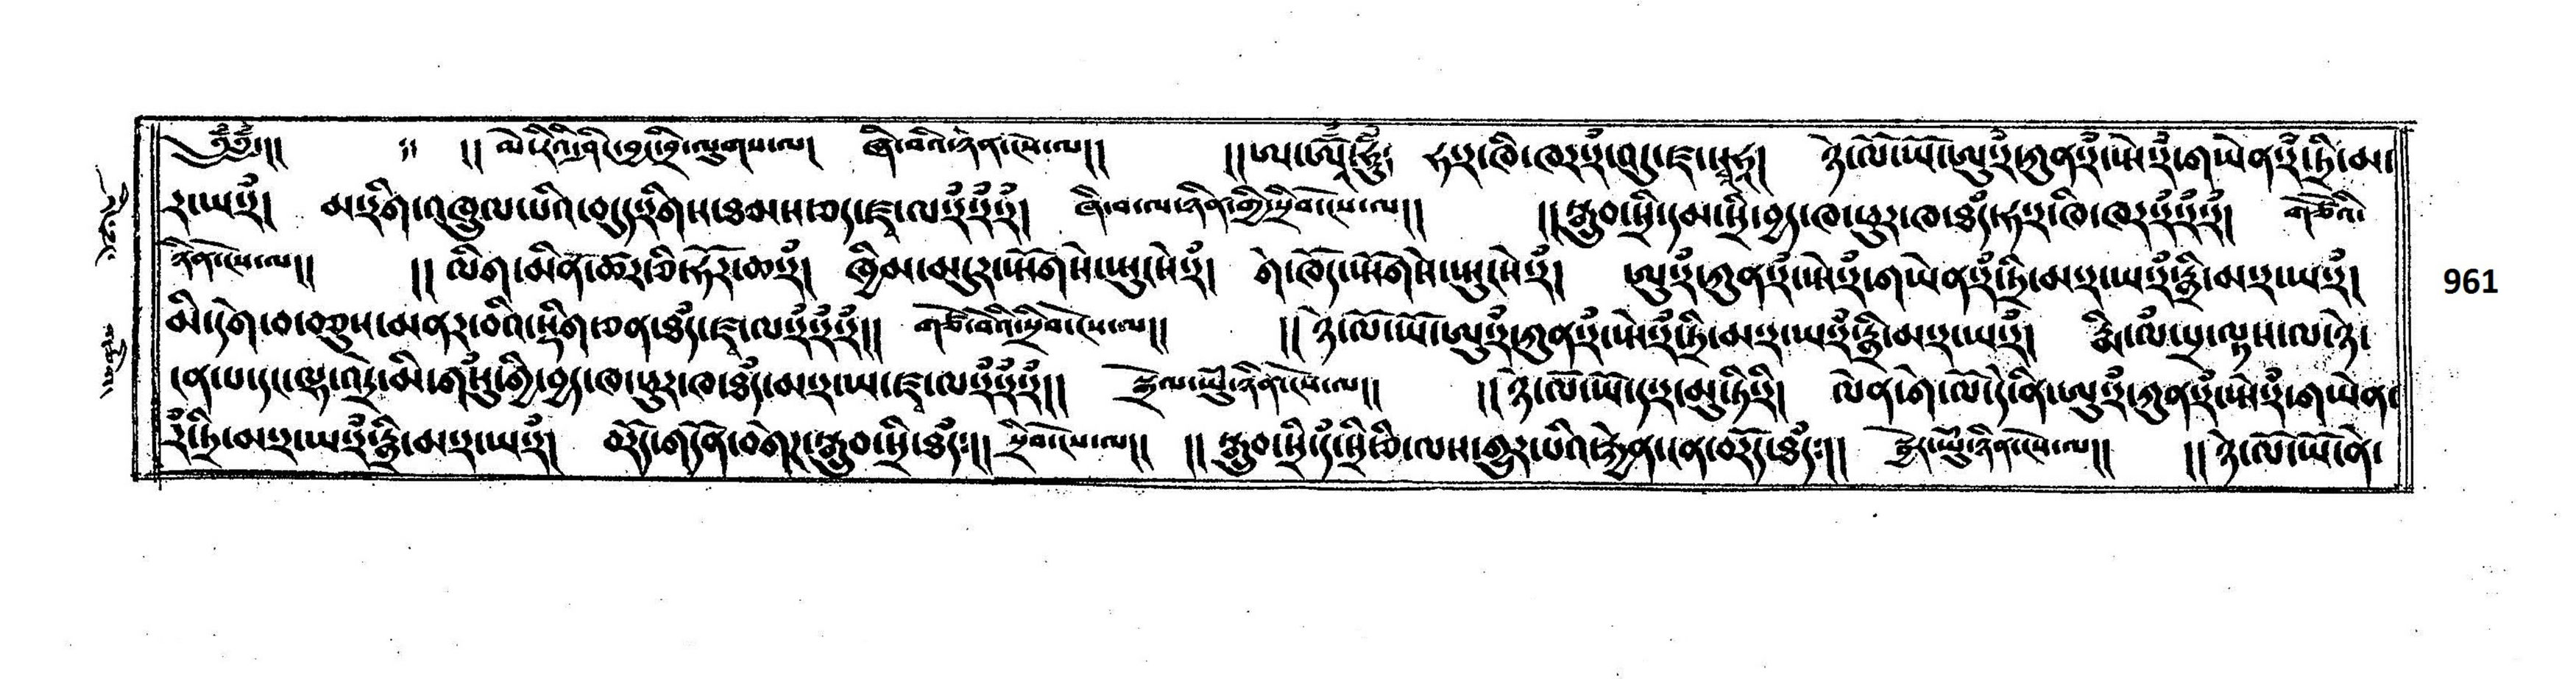༄༅།། །།མེ་རིའི་ཤིང་བྱང་བྲི་ལུགས་ལ། ཞི་བའི་ཉིན་ངོས་ལ།། །།ཨ་ཨཱོཾ་ཧཱུྃ། ཧ་ར་ཁི་ཁར་རཾ་འདུ་ཛ་སྭཱཧཱ། ཉེ་ལོ་ཡོ་ཨུ་རཾ་ཀུན་རཾ་སྤེ་རཾ་གཡེན་རཾ་ཏྲི་མ་
ར་ཡ་རཾ། མ་རིག་འཁྲུལ་པའི་བདུད་རིགས་ཐམས་ཅད་ཛྭ་ལ་རཾ་རཾ་རཾ། ཞི་བ་ལ་ཉིན་གྱི་སྲིབ་ངོས་ལ།། །།སྒྲུབ་སྲི་དམ་སྲི་བྱད་ཁ་ཕུར་ཁ་ཐམས་ཅད་ཧ་ར་ཁི་ཁར་རཾ་རཾ་རཾ། གཙོ་བོའི་
ཉིན་ངོས་ལ།། །།ལིག་མིན་ཚར་ཅི་ཧོར་ཆ་རཾ། ཁྱིམ་མདུར་སྤོགསེ་སྤུངསེ་རཾ། གེ་ཁོད་སྤོགསེ་རཾ། ཨུ་རཾ་ཀུན་རཾ་སྤེ་རཾ་གཡེན་རཾ་ཏྲི་མ་ར་ཡ་རཾ་རྣྲི་མ་ར་ཡ་རཾ། 
མི་དགེ་བ་བཅུས་མནར་བའི་སྡིག་ཅན་ཐམས་ཅད་ཛྭ་ལ་རཾ་རཾ་རཾ།། གཙོ་བོའི་སྲིབ་ངོས་ལ།། །།ཉེ་ལོ་ཡོ་ཨུ་རཾ་ཀུན་རཾ་སྤེ་རཾ་ཏྲི་མ་ར་ཡ་རཾ་རྣྲི་མ་ར་ཡ་རཾ། རྨི་ལམ་པྲ་ལྟས་ལ་ཉེ་
ངན་པ་དང་ལྷ་འདྲེ་མི་གསུམ་གྱི་བྱད་ཁ་ཕུར་ཁ་ཐམས་ཅད་མ་ར་ཡ་ཛྭ་ལ་རཾ་རཾ་རཾ།། སྒྲོལ་ཡུམ་ཉིན་ངོས་ལ།། །།ཉེ་ལོ་ཡོ་ད་ར་མུ་ཏི་རི། ལེན་གེ་ལོ་དེ་ནི་ཨུ་རཾ་ཀུན་རཾ་སྤེ་རཾ་གཡེན་
རཾ་ཏྲི་མ་ར་ཡ་རཾ་རྣྲི་མ་ར་ཡ་རཾ། བར་ཆོད་གདོན་བགེགས་སྒྲུབ་སྲི་ཐམས་ཅད༴།། སྲིབ་ངོས་ལ།། །།སྒྲུབ་སྲི་དམ་སྲི་ཅི་ལས་གྱུར་པའི་རྐྱེན་ངན་བར་ཆོད་ཐམས་ཅད༴།། སྦྱོར་ཡུམ་ཉིན་ངོས་ལ།། །།ཉེ་ལོ་ཡོ་ནེ་